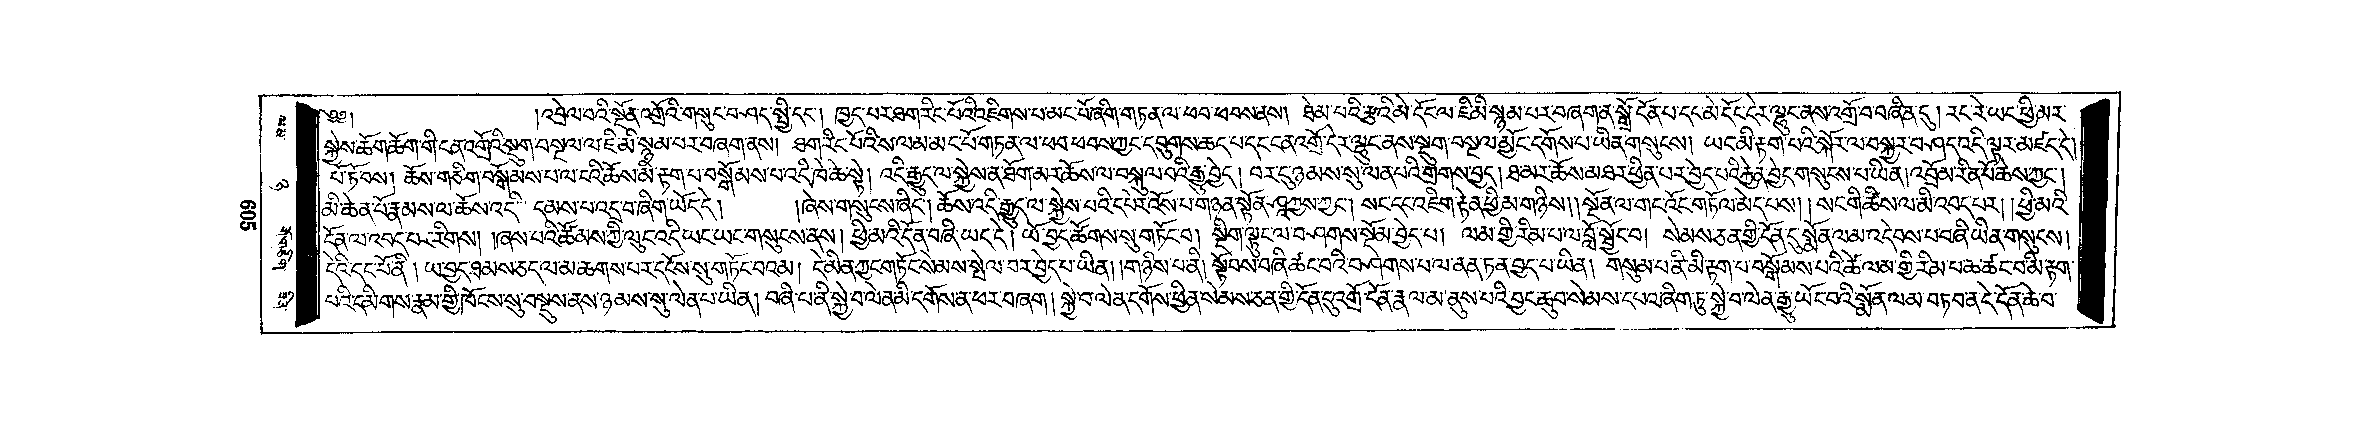༄༅། །འབྲེལ་བའི་སྔོན་འགྲོའི་གསུང་བཤད་སྤྱི་དང་། ཁྱད་པར་ཐག་རིང་པོའི་འཇིགས་པ་མང་པོ་ཞིག་གཏན་ལ་ཕབ་ཕབས་ནས། ཐེམ་པའི་རྩའི་མེ་དོང་ལ་ཇི་མི་སྙམ་པར་བཞག་ན་སྒྲོ་དོན་པ་དང་མེ་དོང་དེར་ལྷུང་ནས་འགྲོ་བ་བཞིན་དུ། རང་རེ་ཡང་ཕྱི་མར་
སྐྱེས་ཆོག་ཆོག་གི་ངན་འགྲོའི་སྡུག་བསྔལ་ལ་ཇི་མི་སྙམ་པར་བཞག་ནས། ཐག་རིང་པོའི་ས་ལམ་མང་པོ་གཏན་ལ་ཕབ་ཕབས་ཀྱང་དབུགས་ཆད་པ་དང་ངན་འགྲོ་དེར་ལྷུང་ནས་སྡུག་བསྔལ་མྱོང་དགོས་པ་ཡིན་གསུངས། ཡང་མི་རྟག་པའི་སྐོར་ལ་བསྐྱར་བཤད་འདི་ལྟར་མཛད་དེ།
པོ་ཏོ་བས། ཆོས་གཅིག་བསྒོམས་པ་ལ་ངའི་ཆོས་མི་རྟག་པ་བསྒོམས་པ་འདི་ཁེ་ཆེ་སྟེ། འདི་རྒྱུད་ལ་སྐྱེས་ན་ཐོག་མར་ཆོས་ལ་བསྐུལ་བའི་རྒྱུ་བྱེད། བར་དུ་ཉམས་སུ་ལན་པའི་གྲགས་བྱད། ཐ་མར་ཆོས་མཐར་ཕྱིན་པར་བྱེད་པའི་རྐྱེན་བྱེད་གསུངས་པ་ཡིན། འབྲོམ་རིན་པོ་ཆེས་ཀྱང་།
མི་ཆེན་པོ་རྣམས་ལ་ཆོས་འདི་དམས་པ་འདྲ་བ་ཞིག་ཡོད་དེ། །ཞེས་གསུངས་ཞིང་། ཆོས་འདི་རྒྱུད་ལ་སྐྱེས་པའི་དཔེར་འོས་པ་གཉན་སྟོན་ཤཱཀྱས་ཀྱང་། སང་དང་འཇིག་རྟེན་ཕྱི་མ་གཉིས། །སྔོན་ལ་གང་འོང་གཏོལ་མེད་པས། །སང་གི་ཚིས་ལ་མི་འབད་པར། །ཕྱི་མའི་
དོན་ལ་འབད་པར་རིགས། །ཞས་པའི་ཚོམས་ཀྱི་ལུང་འདི་ཡང་ཡང་གསུངས་ནས། ཕྱི་མའི་དོན་བཞི་ཡང་དེ། ཡོ་བྱད་ཚོགས་སུ་གཏོང་བ། སྡིག་ལྟུང་ལ་བཤགས་སྡོམ་བྱེད་པ། ལམ་གྱི་རིམ་པ་ལ་བློ་སྦྱོང་བ། སེམས་ཅན་གྱི་དོན་དུ་སྨོན་ལམ་འདེབས་པ་བཞི་ཡིན་གསུངས།
དེའི་དང་པོ་ནི། ཡ་བྱད་ཐམས་ཅད་ལ་མ་ཆགས་པར་དངོས་སུ་གཏོང་བའམ། དེ་མིན་ཀྱང་གཏོང་སེམས་སྤེལ་བར་བྱེད་པ་ཡིན། །གཉིས་པ་ནི། སྟོབས་བཞི་ཚང་བའི་བཤེགས་པ་ལ་ནན་ཏན་བྱད་པ་ཡིན། གསུམ་པ་ནི་མི་རྟག་པ་བསྒོམས་པའི་ཚེ་ལམ་གྱི་རིམ་པ་ཆ་ཚང་བ་མི་རྟག་
པའི་དམིགས་རྣམ་གྱི་ཁོངས་སུ་བསྡུས་ནས་ཉམས་སུ་ལེན་པ་ཡིན། བཞི་པ་ནི་སྐྱེ་བ་ལེན་མི་དགོས་ན་ཕར་བཞག །སྐྱེས་བ་ལེན་དགོས་ཕྱིན་སེམས་ཅན་གྱི་དོན་དུ་འགྲོ་དོན་རྣལ་མ་ནུས་པའི་བྱང་ཆུབ་སེམས་དཔའ་ཞིག་ཏུ་སྐྱེ་བ་ལེན་རྒྱུ་ཡོང་བའི་སྨོན་ལམ་བཏབ་ན་དེ་དོན་ཆེ་བ་